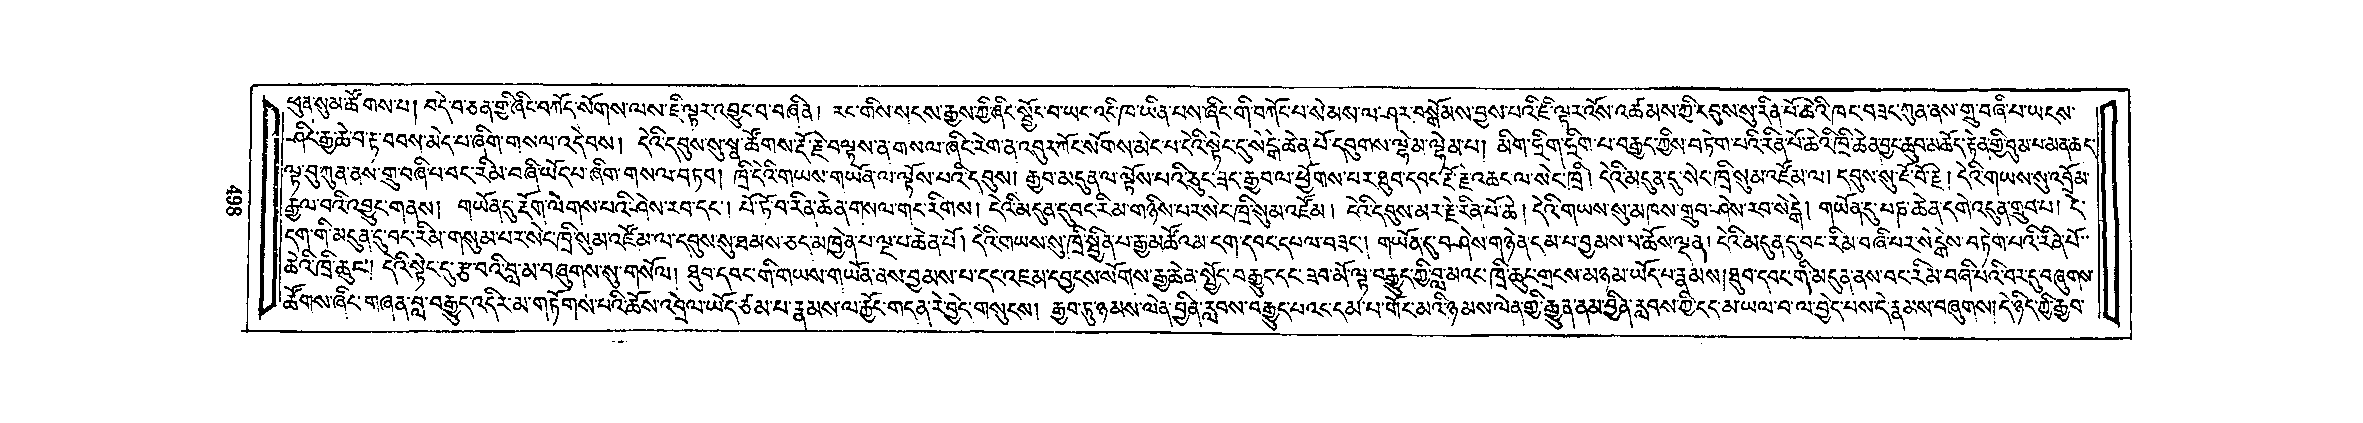ཕུན་སུམ་ཚོགས་པ། བདེ་བ་ཅན་གྱི་ཞིང་བཀོད་སོགས་ལས་ཇི་ལྟར་འབྱུང་བ་བཞིན། རང་གིས་སངས་རྒྱས་ཀྱི་ཞིང་སྦྱོང་བ་ཡང་འདི་ཁ་ཡིན་པས་ཞིང་གི་བཀོད་པ་སེམས་ལ་ཤར་བསྒོམས་བྱས་པའི་ཇི་ལྟར་འོས་འཚམས་ཀྱི་དབུས་སུ་རིན་པོ་ཆེའི་ཁང་བཟང་ཀུན་ནས་གྲུ་བཞི་པ་ཡངས་
ཤིང་རྒྱ་ཆེ་བ་རྟ་བབས་མེད་པ་ཞིག་གསལ་འདེབས། དེའི་དབུས་སུ་སྣ་ཚོགས་རྡོ་རྗེ་བལྟས་ན་གསལ་ཞིང་རེག་ན་འབུར་ཀོང་སོགས་མེད་པ་དེའི་སྟེང་དུ་སེངྒེ་ཆེན་པོ་དབུགས་ལྷེམ་ལྷེམ་པ། མིག་ཧྲིག་ཧྲིག་པ་བརྒྱད་ཀྱིས་བཏེག་པའི་རིན་པོ་ཆེའི་ཁྲི་ཆེན་བྱང་ཆུབ་མཆོད་རྟེན་གྱི་བུམ་པ་མན་ཆད་
ལྟ་བུ་ཀུན་ནས་གྲུ་བཞི་པ་བང་རིམ་བཞི་ཡོད་པ་ཞིག་གསལ་བཏབ། ཁྲི་དེའི་གཡས་གཡོན་ལ་ལྟོས་པའི་དབུས། རྒྱབ་མདུན་ལ་ལྟོས་པའི་ཅུང་ཟད་རྒྱབ་ལ་ཕྱོགས་པར་ཐུབ་དབང་རྡོ་རྗེ་འཆང་ལ་སེང་ཁྲི། དེའི་མདུན་དུ་སེང་ཁྲི་སུམ་འཛོམ་ལ། དབུས་སུ་ཇོ་བོ་རྗེ། དེའི་གཡས་སུ་འབྲོམ་
རྒྱལ་བའི་འབྱུང་གནས། གཡོན་དུ་རྡོག་ལེགས་པའི་ཤེས་རབ་དང་། པོ་ཏོ་བ་རིན་ཆེན་གསལ་གང་རིགས། དེའི་མདུན་དུ་བང་རིམ་གཉིས་པར་སེང་ཁྲི་སུམ་འཛོམ། དེའི་དབུས་མར་རྗེ་རིན་པོ་ཆེ། དེའི་གཡས་སུ་མཁས་གྲུབ་ཤེས་རབ་སེངྒེ། གཡོན་དུ་པཎ་ཆེན་དགེ་འདུན་གྲུབ་པ། དེ་
དག་གི་མདུན་དུ་བང་རིམ་གསུམ་པར་སེང་ཁྲི་སུམ་འཛོམ་ལ་དབུས་སུ་ཐམས་ཅད་མཁྱེན་པ་ལྔ་པ་ཆེན་པོ། དེའི་གཡས་སུ་ཁྲི་སྦྱིན་པ་རྒྱ་མཚོའམ་ངག་དབང་དཔལ་བཟང་། གཡོན་དུ་བཤེས་གཉེན་དམ་པ་བྱམས་པ་ཆོས་ལྡན། དེའི་མདུན་དུ་བང་རིམ་བཞི་པར་སེངྒེས་བཏེགས་པའི་རིན་པོ་
ཆེའི་ཁྲི་ཆུང་། དེའི་སྟེང་དུ་རྩ་བའི་བླ་མ་བཞུགས་སུ་གསོལ། ཐུབ་དབང་གི་གཡས་གཡོན་ནས་བྱམས་པ་དང་འཇམ་དབྱངས་སོགས་རྒྱ་ཆེན་སྤྱོད་བརྒྱུད་དང་ཟབ་མོ་ལྟ་བརྒྱུད་ཀྱི་བླ་མའང་ཁྲི་ཆུང་གྲངས་མཉམ་ཡོད་པ་རྣམས། ཐུབ་དབང་གི་མདུན་ནས་བང་རིམ་བཞི་པའི་བར་དུ་བཞུགས་
ཚོགས་ཞིང་གཞན་བླ་བརྒྱུད་འདིར་མ་གཏོགས་པའི་ཆོས་འབྲེལ་ཡོད་ཙམ་པ་རྣམས་ལ་རྐྱོང་གདན་རེ་བྱེད་གསུངས། རྒྱབ་ཏུ་ཉམས་ལེན་བྱིན་རླབས་བརྒྱུད་པའང་དམ་པ་གོང་མའི་ཉམས་ལེན་གྱི་རྒྱུན་ནམ་བྱིན་རླབས་ཀྱི་དད་མ་ཡལ་བ་ལ་བྱེད་པས་དེ་རྣམས་བཞུགས། དེ་ཉིད་ཀྱི་རྒྱབ་